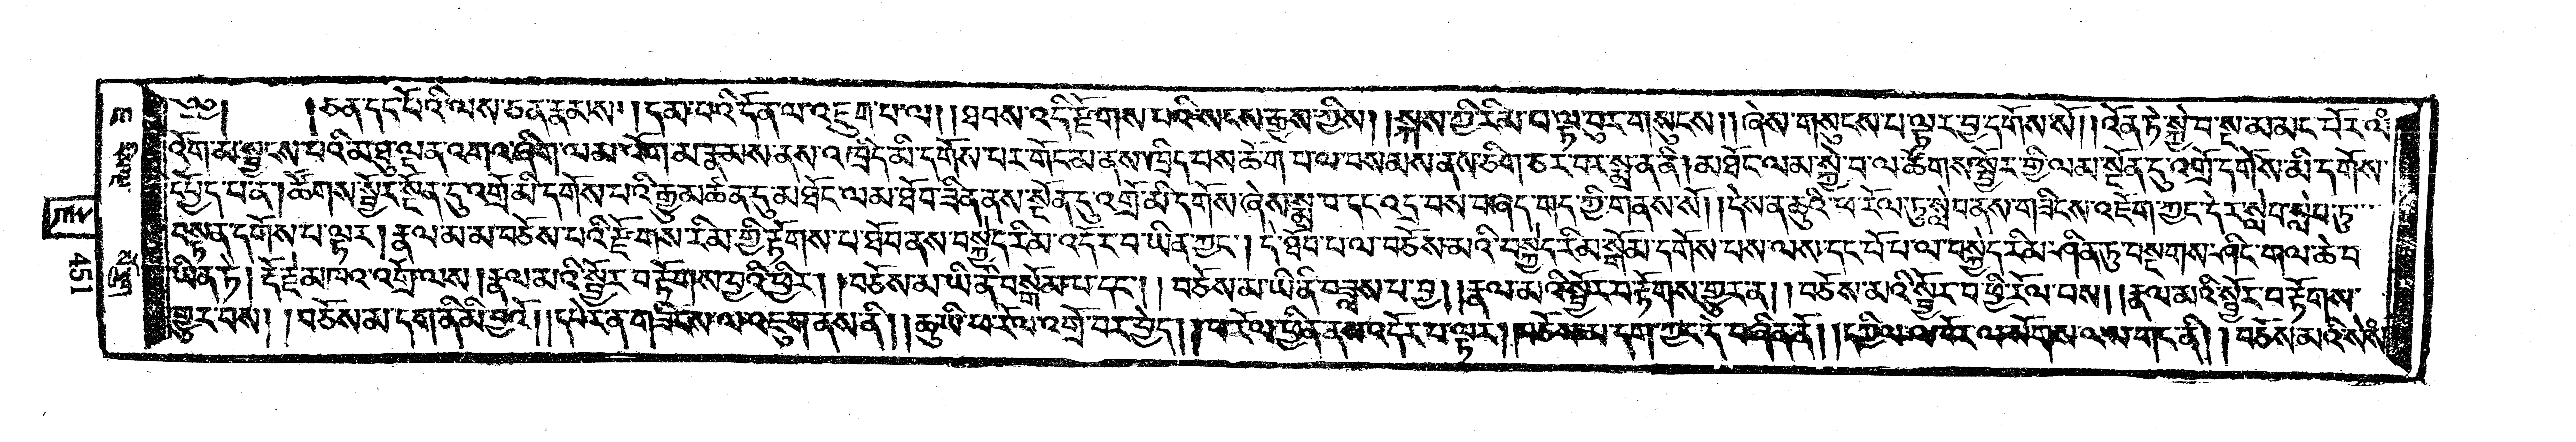༄༅། །ཅན་དང་པོའི་ལས་ཅན་རྣམས། །དམ་པའི་དོན་ལ་འཇུག་པ་ལ། །ཐབས་འདི་རྫོགས་པའི་སངས་རྒྱས་ཀྱིས། །སྐས་ཀྱི་རིམ་པ་ལྟ་བུར་གསུངས། །ཞེས་གསུངས་པ་ལྟར་བྱ་དགོས་སོ། །འོན་ཏེ་སྐྱེ་བ་སྔ་མ་མང་པོར་ལཾ་
འོག་མ་སྦྱངས་པའི་མ་ཐུ་ལྡན་འགའ་ཞིག་ལམ་འོག་མ་རྣམས་ནས་འཁྲིད་མི་དགོས་པར་གོང་མ་ནས་ཁྲིད་པས་ཆོ་ག་པ་ལ་བསམས་ནས་ཅིག་ཅར་པར་སྨྲ་ན་ནི། མཐོང་ལམ་སྐྱེ་བ་ལ་ཚོགས་སྦྱོར་གྱི་ལམ་སྔོན་དུ་འགྲོ་དགོས་མི་དགོས་
དཔྱོད་པ་ན། ཚོགས་སྦྱོར་སྔོན་དུ་འགྲོ་མི་དགོས་པའི་རྒྱུ་མཚན་དུ་མཐོང་ལམ་ཐོབ་ཟིན་ནས་སྔོན་དུ་འགྲོ་མི་དགོས་ཞེས་སྨྲ་བ་དང་འདྲ་བས་བཞད་གད་ཀྱི་གནས་སོ། །དེས་ན་ཆུའི་ཕ་རོལ་ཏུ་སླེབ་ནས་གཟིངས་འཇོག་ཀྱང་དེར་སླེབ་སླེབ་ཏུ་
བསྟན་དགོས་པ་ལྟར། རྣལ་མ་མ་བཅོས་པའི་རྫོགས་རིམ་གྱི་རྟོགས་པ་ཐོབ་ནས་བསྐྱེད་རིམ་འདོར་བ་ཡིན་ཀྱང་།དེ་ཐོབ་པ་ལ་བཅོས་མའི་བསྐྱེད་རིམ་སྒོམ་དགོས་པས་ལས་དང་པོ་པ་ལ་བསྐྱེད་རིམ་ཤིན་ཏུ་བསྔགས་ཤིང་གལ་ཆེ་བ་
ཡིན་ཏེ། རྡོ་རྗེ་མཁའ་འགྲོ་ལས། རྣལ་མའི་སྦྱོར་བ་རྟོགས་བྱའི་ཕྱིར། །བཅོས་མ་ཡི་ནི་བསྒོམ་པ་དང་། །བཅོས་མ་ཡི་ནི་བཟླས་པ་བྱ། །རྣལ་མའི་སྦྱོར་བ་རྟོགས་གྱུར་ན། །བཅོས་མའི་སྦྱོར་བ་ཕྱི་རོལ་པས། །རྣལ་མའི་སྦྱོར་བ་རྟོགས་
གྱུར་བས། །བཅོས་མ་དག་ནི་མི་བྱའོ། །དཔེར་ན་གཟིངས་ལ་འཇུག་ནས་ནི། །ཆུ་ཡི་ཕ་རོལ་འགྲོ་བར་བྱེད། །ཕ་རོལ་ཕྱིན་ནས་འདོར་བ་ལྟར། །བཅོས་མ་དག་ཀྱང་དེ་བཞིན་ནོ། །དཀྱིལ་འཁོར་ལ་སོགས་ལས་གང་ནི། །བཅོས་མའི་སེམས་